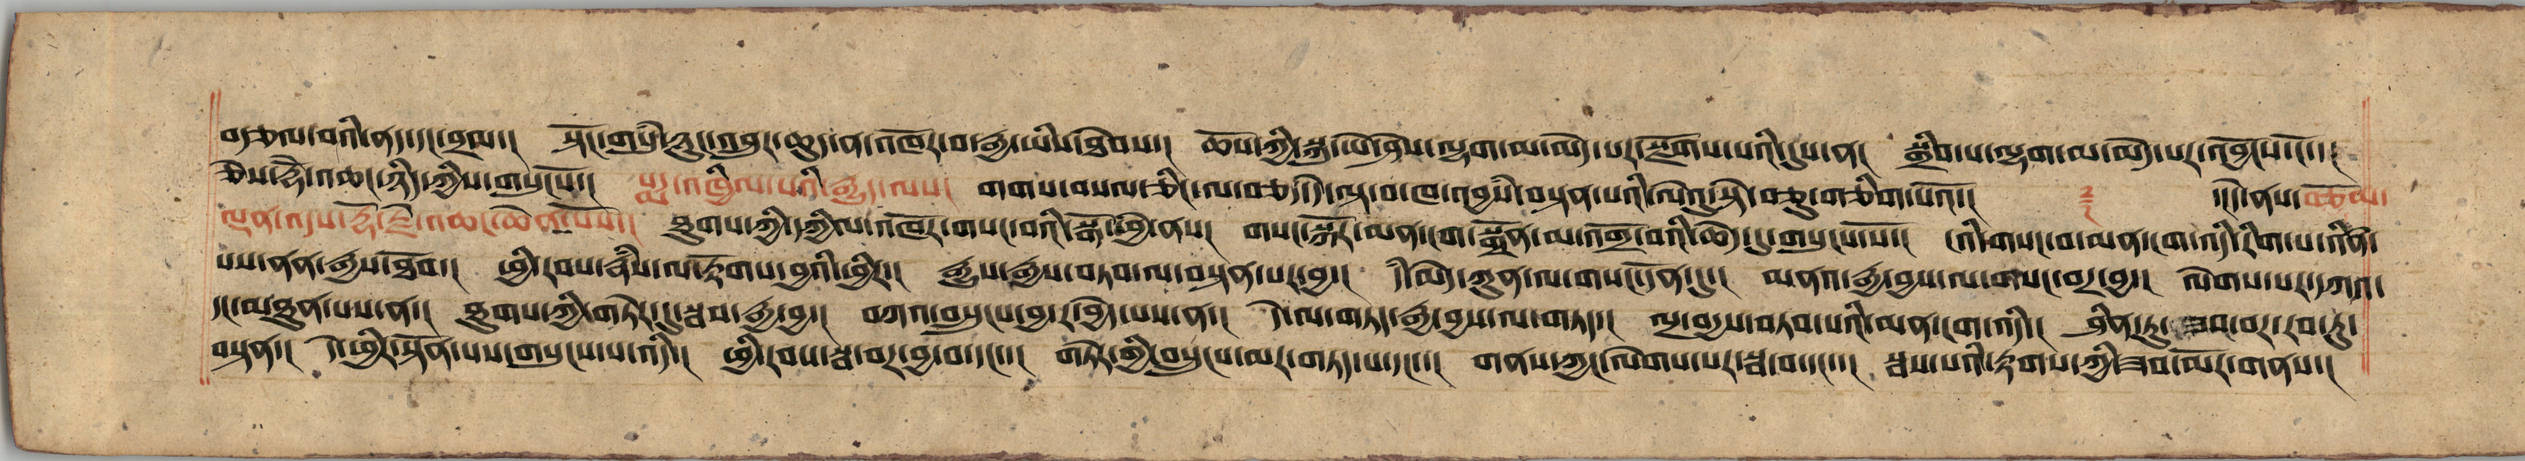བརྩལ་བའི་ནད་དང་བྲལ་། སྟོང་གསུཾ་ཉུང་འབྲུར་ཆུད་ན་འཁོར་བ་རྒྱ་ཡིས་ཐེབས་། ཆོས་ཀྱི་སྐུ་ཡེ་ཤེས་ལྷག་མ་མེད་པར་སྫོགས་པའི་དུས་ན། སྒྲིབ་པ་ལྷག་མ་མེད་པར་འབྱོངས་ངོ་་།
ཅེས་རྡོེ་འཆང་ཉིད་ཀྱིས་གསུངསོ། པདྨ་འཁྱིལ་པའི་རྒྱུད་ལས། གགས་བསལ་ཅིང་ལ་བཅད་དེ་ལྟ་བ་ཁ་འབྱཾས་བསྟན་པའི་ལེའུ་སྟེ་བཅུ་གཅིག་པའོ་། ࿑ ་།དེ་ནས་བཅོམ་
ལྡན་འདས་རྡོ་རྗེ་འཆང་ཆེན་པོས་། ཐུགས་ཀྱི་དཀྱིལ་འཁོར་གསང་བའི་སྒོ་ཕྱེ་ནས། གསང་སྒོར་མན་ངག་སྒྲོན་མ་འགྲོ་བའི་ཆེད་དུ་གསུངས་སོ་། ངའི་གསང་བ་མན་ངག་འདི་རིག་པ་འཛིན་
པས་ནན་རྒྱས་ཐོབ་། ཕྱི་རབས་རྣཾས་ལ་རྟོགས་བྱའི་ཕྱིར་། རྒྱུས་རྒྱས་བཏབ་ལ་བསྟན་པར་བྱ་། དཾ་མེད་ཀུན་ལ་གསང་དོན་དུ་། མནའ་རྒྱ་བྱས་ལ་གསང་བར་བྱ་། ལེགས་པར་དཀའ་
དང་ཐུན་པས་ན་། ཐུགས་ཀྱི་གཏེར་དུ་སྦས་རྒྱ་བྱ་། བཀའ་བསྲུངས་བྱ་ར་བྱེད་པས་ན་། དེ་ལ་གཏད་རྒྱ་བྱས་ལ་གཏད་། ལྔ་བདྱས་བཏབ་པའི་མན་ངག་འདི་། ཤིན་ཏུ་ཟབ་བར་རབ་ཏུ་
བསྟན་། དེ་ཕྱིར་སྟོན་པས་གསུངས་པ་འདི་། ཕྱི་རབས་སྦ་བར་བྱ་བ་དང་་། གཏེར་གྱི་བསྲུངས་མར་གཏད་པ་དང་་། གནས་ཀྱང་ལེགས་པར་སྦ་བ་དང་་། སྦས་པའི་རྟགས་ཀྱི་ཟབ་མོར་གནས་།